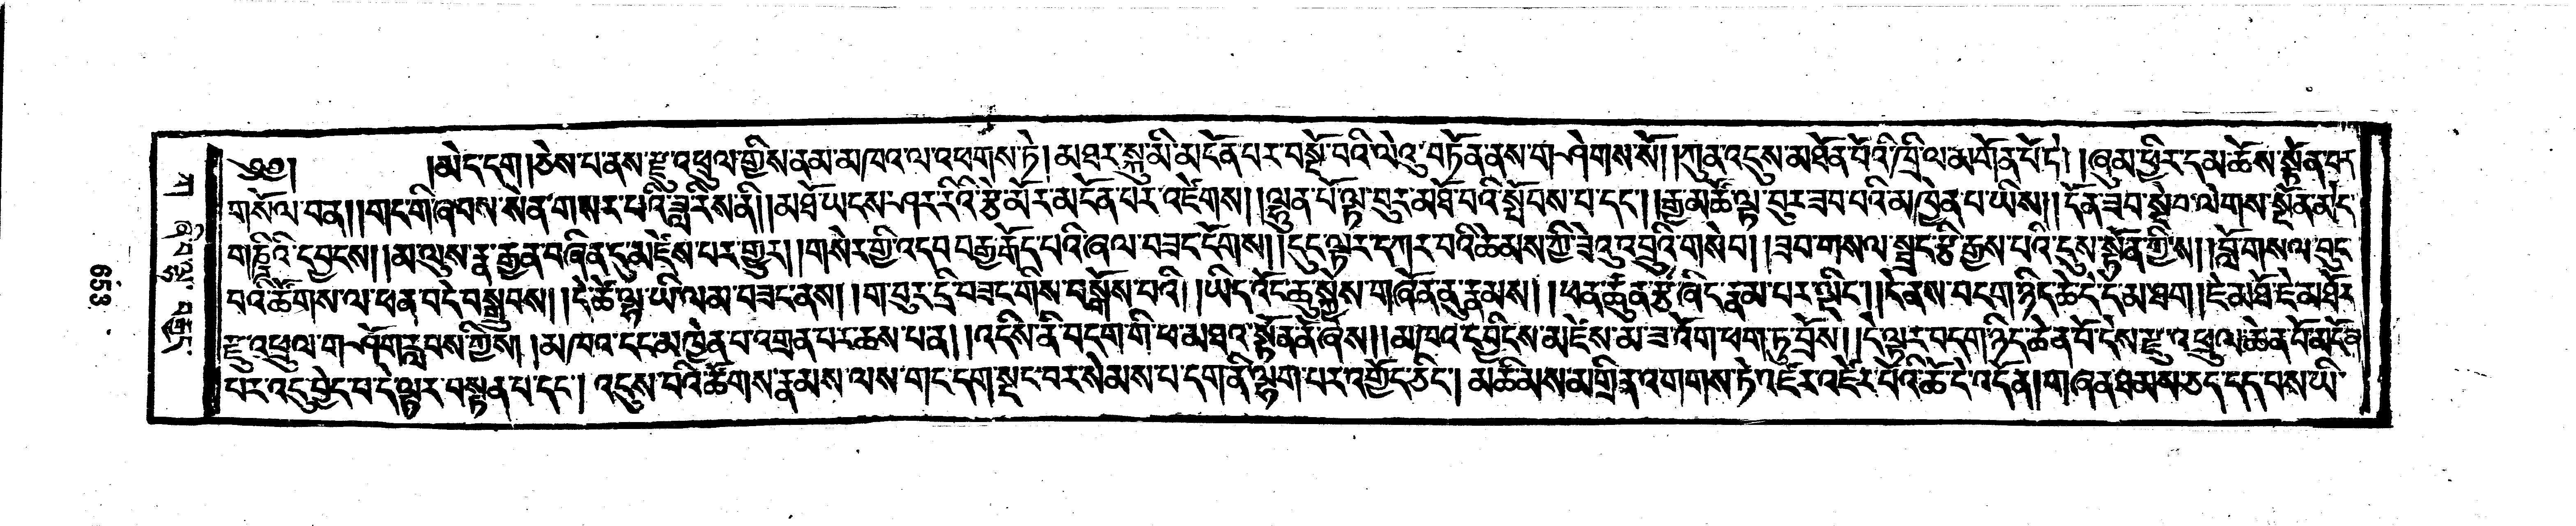༄༅། །མེད་དག །ཅེས་པ་ནས་རྫུ་འཕྲུལ་གྱིས་ནམ་མཁའ་ལ་འཕགས་ཏེ། མཐར་སྐུ་མི་མངོན་པར་བསྔོ་བའི་ལེའུ་བཏོན་ནས་གཤེགས་སོ། །ཀུན་འདུས་མཐོན་པོའི་ཁྲི་ལ་མགོན་པོ་དེ། །ཞུམ་ཕྱིར་དམ་ཆོས་སྟོན་པར་
གསོལ་བ་ན། །གང་གི་ཞབས་སེན་གསར་པའི་ཟླ་རིས་ནི། །མཐོ་ཡངས་ཤར་རིའི་རྩེ་མོར་མངོན་པར་འཛེགས། །ལྷུན་པོ་ལྟ་བུར་མཐོ་བའི་སྤོབས་པ་དང་། །རྒྱ་མཚོ་ལྟ་བུར་ཟབ་པའི་མཁྱེན་པ་ཡིས། །དོན་ཟབ་སྡེབ་ལེགས་སྔོན་མེད་
གཎྜིའི་དབྱངས། །མ་ལུས་རྣ་རྒྱན་བཞིན་དུ་མཛེས་པར་གྱུར། །གསེར་གྱི་འདབ་བརྒྱ་རྒོད་པའི་ཞལ་བཟང་ངོགས། །དུང་ལྟར་དཀར་བའི་ཚེམས་ཀྱི་ཟེའུ་འབྲུའི་གསེབ། །ཟབ་གསལ་སྦྲང་རྩི་རྒྱས་པའི་དུས་སྟོན་གྱིས། །བློ་གསལ་བུང་
བའི་ཚོགས་ལ་ཕན་བདེ་བསྒྲུབས། །དེ་ཚེ་ལྷ་ཡི་ལམ་བཟང་ནས། །ག་བུར་དྲི་བཟང་གིས་བསྒོས་པའི། །ཡིད་འོང་ཆུ་སྐྱེས་གཞོན་ནུ་རྣམས། །ཕན་ཚུན་རྩེ་ཞིང་རྣམ་པར་ལྡིང་། །དེ་ནས་བདག་ཉིད་ཆེ་དེ་དེ་མ་ཐག །ཇེ་མཐོ་ཇེ་མཐོར་
རྫུ་འཕྲུལ་གཤོག་རླབས་ཀྱིས། །མཁའ་དང་མཁྱེན་པ་འགྲན་པར་ཆས་པ་ན། །འདིས་ནི་བདག་གི་ཕ་མཐའ་སྟོན་ནོ་ཞེས། །མཁའ་དབྱིངས་མཛེས་མ་ཟ་འོག་ཕག་ཏུ་བྲོས། །དེ་ལྟར་བདག་ཉིད་ཆེན་པོ་དེས་རྫུ་འཕྲུལ་ཆེན་པོ་མངོན་
པར་འདུ་བྱེད་པ་དེ་ལྟར་བསྟན་པ་དང་། འདུས་པའི་ཚོགས་རྣམས་ལས་གང་དག་སྡང་བར་སེམས་པ་དག་ནི་ལྷག་པར་འགྱོད་ཅིང་། མཆི་མས་མགྲིན་འགགས་ཏེ་འཛེར་འཛེར་པོའི་ཆོ་ངེ་འདོན། གཞན་ཐམས་ཅད་དད་པས་ཡི་